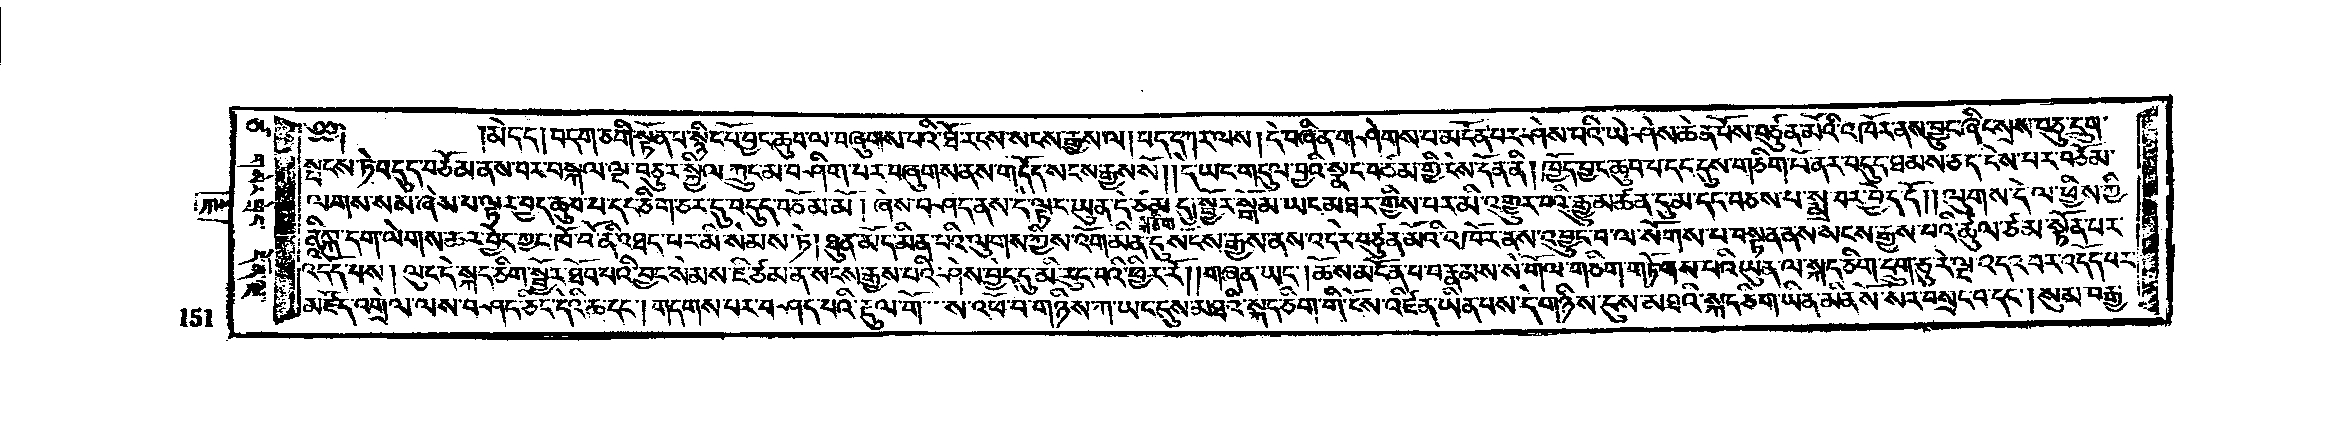༄༅། །མེད་དེ། བདག་ཅག་གི་སྟོན་པ་སྙིང་པོ་བྱང་ཆུབ་ལ་བཞུགས་པའི་ཐོ་རངས་སངས་རྒྱས་ལ། པད་དཀར་ལས། དེ་བཞིན་གཤེགས་པ་མངོན་པར་ཤེས་པའི་ཡེ་ཤེས་ཆེན་པོས་བཙུན་མོའི་འཁོར་ནས་བྱུང་ཞིང་སྲས་བཅུ་དྲུག་
སྤངས་ཏེ་བདུད་བཅོམ་ནས་བར་བསྐལ་ལྔ་བཅུར་སྐྱིལ་ཀྲུང་མ་བཤིག་པར་བཞུགས་ནས་གདོད་སངས་རྒྱས་སོ། །དེ་ཡང་གདུལ་བྱའི་སྣང་བ་ཙམ་གྱི་ངེས་དོན་ནི། ཁྱོད་བྱང་ཆུབ་པ་དང་དུས་གཅིག་ཁོ་ནར་བདུད་ཐམས་ཅད་ངེས་པར་བཅོམ་
ལགས་སམ་ཞེས་པ་ལྟར་བྱང་ཆུབ་པ་དང་ཅིག་ཅར་དུ་བདུད་བཅོམ་མོ། ཞེས་བཤད་ནས་དེ་ལྟར་ཡུན་དེ་ཙམ་དུ་སྐད་ཅིག་སྦྱོར་སྒོམ་ཡང་མཐར་གྱིས་པར་མི་འགྱུར་བའི་རྒྱུ་མཚན་དུ་མ་དང་བཅས་པ་སྨྲ་བར་བྱེད་དོ། །ལུགས་དེ་ལ་ཕྱིས་ཀྱི་
ཊཱིཀྐ་དག་ལེགས་ཆར་བྱེད་ཀྱང་ཁོ་བོ་ནི་འཐད་པར་མི་སེམས་ཏེ། ཐུན་མོང་མིན་པའི་ལུགས་ཀྱིས་འོག་མིན་དུ་སངས་རྒྱས་ནས་འདིར་བཙུན་མོའི་འཁོར་ནས་འབྱུང་བ་ལ་སོགས་པ་བསྟན་ནས་སངས་རྒྱས་པའི་ཚུལ་ཙམ་སྟོན་པར་
འདོད་པས། ལུང་དེ་སྐད་ཅིག་སྦྱོར་ཐོབ་པའི་བྱང་སེམས་ཇི་ཙམ་ན་སངས་རྒྱས་པའི་ཤེས་བྱེད་དུ་མི་རུང་བའི་ཕྱིར་རོ། །གཞན་ཡང་། ཆོས་མངོན་པ་བ་རྣམས་སེ་གོལ་གཅིག་གཏོགས་པའི་ཡུན་ལ་སྐད་ཅིག་དྲུག་ཅུ་རེ་ལྔ་འདའ་བར་འདོད་པར་
མཛོད་འགྲེལ་ལས་བཤད་ཅིང་དེའི་ཆ་དང་། གདགས་པར་བཤད་པའི་རྡུལ་གོ་ས་འཕོ་བ་གཉིས་ཀ་ཡང་དུས་མཐའི་སྐད་ཅིག་གི་ངོས་འཛིན་ཡིན་པས་དེ་གཉིས་དུས་མཐའི་སྐད་ཅིག་ཡིན་མིན་སོ་སོར་བྲང་བ་དང་། སུམ་བརྒྱ་